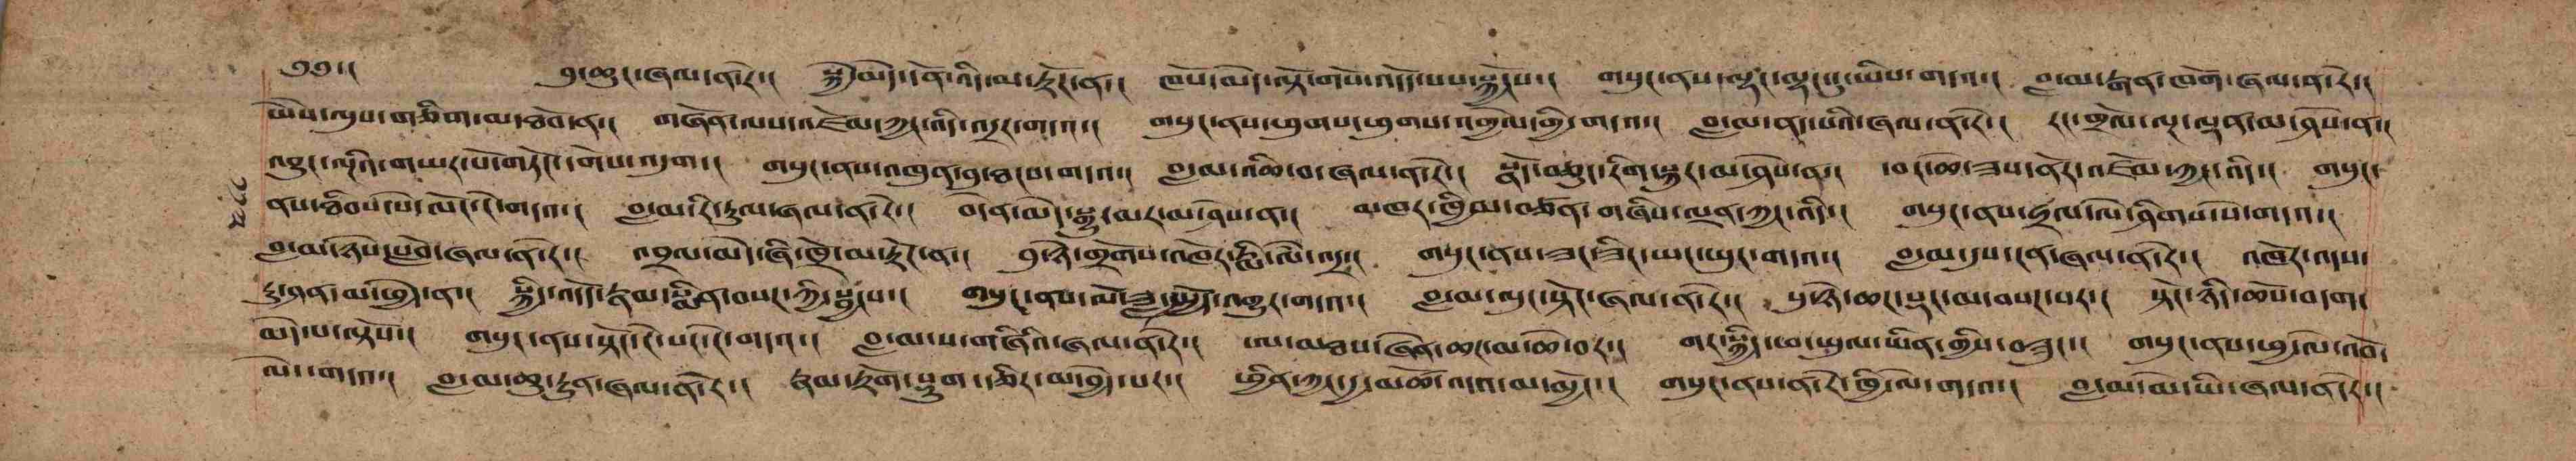༄༅།། བུ་ཆུང་ཞལ་ན་རེ།། སྐྱེ་མེད་དོན་འདི་མ་རྟོགས་ན།། ཁོས་མེད་ལྟོ་གོས་འདོད་པས་སྐྱོངས།། གསུང་ནས་ལྷང་ལྷང་ངུ་ཡིས་གདའ།། བླ་མ་རྒན་ཁོག་ཞལ་ན་ར།། 
ཡེ་ཤེས་ལུས་གཅིག་མ་ཐོབ་ན།། གཞོན་ལས་འཛོམ་ཀྱང་འདི་འདྲར་གདའ།། གསུང་ནས་ཕུགས་ཕུགས་འགྱེལ་གྱི་གདའ།། བླ་མ་ནད་པའི་ཞལ་ན་རེད།། རང་གྲོལ་ལྔ་ལྡན་མ་ཤེས་ན།། 
འབྱུང་ལྔའི་གཡར་པོ་གཏོང་དགོས་འདུག། གསུང་ནས་འཁུན་བུ་ཐངབ་གདའ།། བླ་མ་འཆི་བ་ཞལ་ན་རེ།། སྣོད་བཅུད་རིག་སྐུར་མ་ཤེས་ན།། དབང་ཆེ་ཟས་ནོར་འཛོམ་ཀྱང་འདི།། གསུངས་
ནས་ཐིབས་སེ་ལོང་ངེ་གདའ།། བླ་མ་རི་ཏུལ་ཞལ་ན་རེ།། བདེན་མེད་སྒྱུ་མར་མ་ཤེས་ན།། མཁར་ཁྱིམ་བཙན་བཞིས་ལྡན་ཀྱང་འདི།། གསུང་ནས་ཧྲལ་ལེ་ཤིགས་སེ་གདའ།། 
བླ་མ་ཉེས་སློབ་ཞལ་ན་རེ།། འབྲལ་མེད་ཞི་ཁྲོ་མ་རྟོགས་ན།། བུ་ཉེ་གྲོགས་འཁོར་རྨི་ལམ་འདྲ།། གསུང་ནས་ཟང་ཟིང་ཡང་ཡུང་གདའ།། བླ་མ་དུས་ངན་ཞལ་ན་རེ།། འཁོར་འདས་
རུ་ཤན་མ་ཕྱེད་ན།། སྐྱིད་འདོད་རྣམ་སྨིན་བསགས་ཀྱི་སྦྱོངས།། གསུང་ནས་ལོ་ཟླ་སྤྱོད་འགྱུར་གདའ།། བླ་མ་ལུང་སྟོང་ཞལ་ན་རེ།། སུ་ཉེ་ཆགས་སྡང་མ་བསགས་པར།། སྟོང་ཉིད་ཆོས་བདག་
མེད་ལ་ལྟོས།། གསུང་ནས་སྟོང་ངེ་སང་ངེ་གདའ།། བླ་མ་ས་གཞིའི་ཞལ་ན་རེ།། ཨ་འཐས་ཞེན་ཆགས་མ་ཆེ་བར།། གར་སྐྱིད་ཕ་ཡུལ་ཡིན་གྱིས་བཟུང་།། གསུང་ནས་ཕྱ་ལེ་འབོ་
ལེ་གདའ།། བླ་མ་ཆུ་རྒྱུན་ཞལ་ན་རེ།། རྣམ་རྟོག་སྡུག་རྩིར་མ་བྱེད་པར།། ཕྱིན་ཀྱང་རྒྱ་མཚོ་འདའ་མ་མྱོང་།། གསུང་ནས་ན་རེ་ཁྱི་ལེ་གདའ།། བླ་མ་མེ་ཡི་ཞལ་ན་རེ།།